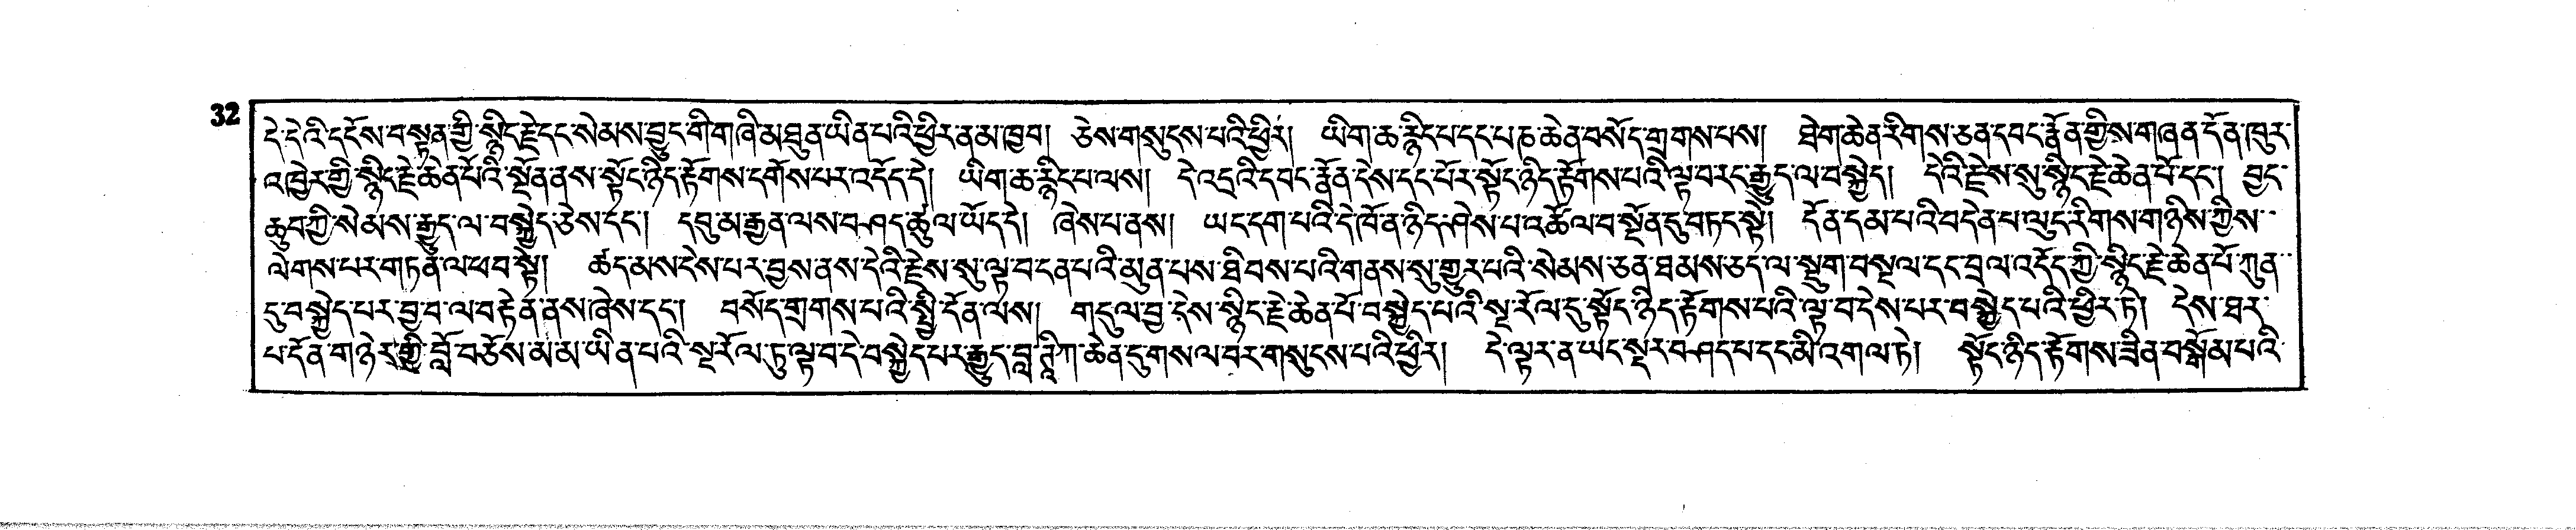དེ་དེའི་དངོས་བསྟན་གྱི་སྙིང་རྗེ་དང་སེམས་བྱུང་གི་གཞི་མཐུན་ཡིན་པའི་ཕྱིར་ན་མ་ཁྱབ། ཅེས་གསུངས་པའི་ཕྱིར། ཡིག་ཆ་རྙིང་པ་དང་པཎ་ཆེན་བསོད་གྲགས་པས། ཐེག་ཆེན་རིགས་ཅན་དབང་རྣོན་གྱིས་གཞན་དོན་ཁུར་
འཁྱེར་གྱི་སྙིང་རྗེ་ཆེན་པོའི་སྔོན་ནས་སྟོང་ཉིད་རྟོགས་དགོས་པར་འདོད་དེ། ཡིག་ཆ་རྙིང་པ་ལས། དེ་འདྲའི་དབང་རྣོན་དེས་དང་པོར་སྟོང་ཉིད་རྟོགས་པའི་ལྟ་བ་རང་རྒྱུད་ལ་བསྐྱེད། དེའི་རྗེས་སུ་སྙིང་རྗེ་ཆེན་པོ་དང་། བྱང་
ཆུབ་ཀྱི་སེམས་རྒྱུད་ལ་བསྐྱེད་ཅེས་དང་། དབུ་མ་རྒྱན་ལས་བཤད་ཚུལ་ཡོད་དེ། ཞེས་པ་ནས། ཡང་དག་པའི་དེ་ཁོ་ན་ཉིད་ཤེས་པ་འཚོལ་བ་སྔོན་དུ་བཏང་སྟེ། དོན་དམ་པའི་བདེན་པ་ལུང་རིགས་གཉིས་ཀྱིས་
ལེགས་པར་གཏན་ལ་ཕབ་སྟེ། ཚད་མས་ངེས་པར་བྱས་ནས་དེའི་རྗེས་སུ་ལྟ་བ་ངན་པའི་མུན་པས་ཐིབས་པའི་གནས་སུ་གྱུར་པའི་སེམས་ཅན་ཐམས་ཅད་ལ་སྡུག་བསྔལ་དང་བྲལ་འདོད་ཀྱི་སྙིང་རྗེ་ཆེན་པོ་ཀུན་
དུ་བསྐྱེད་པར་བྱ་བ་ལ་བརྟེན་ནས་ཞེས་དང་། བསོད་གྲགས་པའི་སྤྱི་དོན་ལས། གདུལ་བྱ་དེས་སྙིང་རྗེ་ཆེན་པོ་བསྐྱེད་པའི་སྔ་རོལ་དུ་སྟོང་ཉིད་རྟོགས་པའི་ལྟ་བ་དེས་པར་བསྐྱེད་པའི་ཕྱིར་ཏེ། དེས་ཐར་
པ་དོན་གཉེར་གྱི་བློ་བཅོས་མ་མ་ཡིན་པའི་སྔ་རོལ་ཏུ་ལྟ་བ་དེ་བསྐྱེད་པར་རྒྱུད་བླ་ཊཱིཀ་ཆེན་དུ་གསལ་བར་གསུངས་པའི་ཕྱིར། དེ་ལྟར་ན་ཡང་སྔར་བཤད་པ་དང་མི་འགལ་ཏེ། སྟོང་ཉིད་རྟོགས་ཟིན་བསྒོམ་པའི་